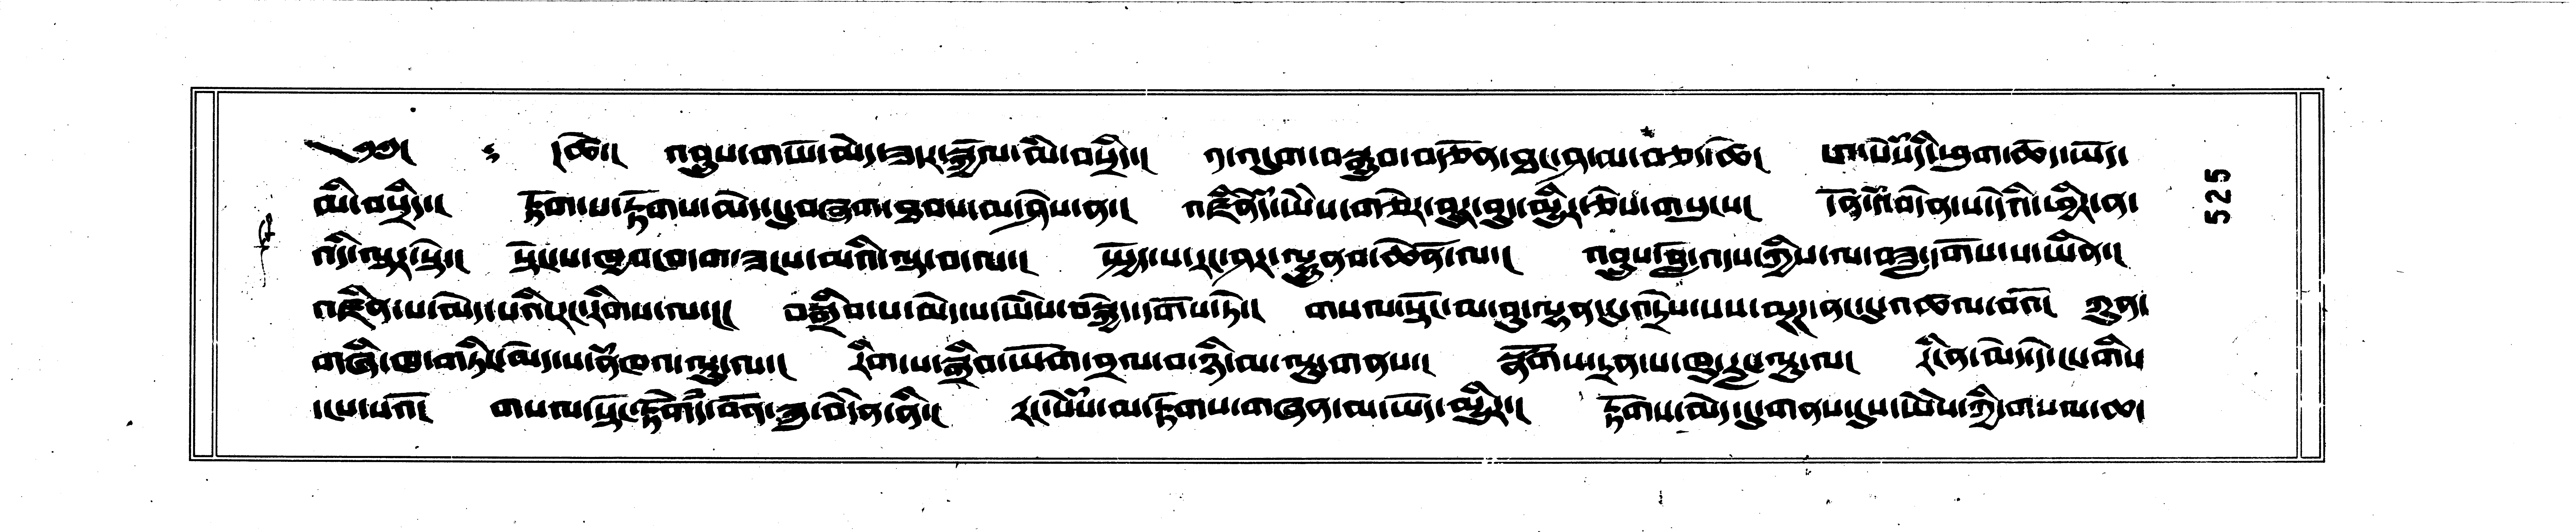ཚེ། འབྲས་བུ་གཡོ་མེད་ཟད་སར་སྐྱོལ་མི་སྲིད། ཅིག་འདུག་སྒྲུབ་བརྩོན་ཐང་ཤ་མ་བཅད་ཚེ། ངོའོ་སེམས་ཉིད་ཕུ་ཐག་ཆོད་
མི་སྲིད། རྟོག་པ་རྟོག་མེད་དུ་བཞག་ཐབས་མ་ཤེས་ན། འཛིན་མེད་ཡེ་ཤེས་གཅེར་བུར་བུད་མི་གྱུར་ཅེས་གསུངས། དོན་དམ་བདེན་པ་དེའི་ཕྱིར་ན་
འདི་ལྟ་སྟེ། སྟོང་པ་ཁྱབ་བདལ་ཟངས་མའི་ལྟ་བ་ལ། སྒོམ་པ་རང་རིག་ཤེས་པས་གདར་ཤ་བཅད་པ་ཡིན། སྤྱོད་པ་རང་ཤར་ལྷུན་གྲུབ་ཆེན་པོ་ལ། འབྲས་བུ་བློ་འདས་ཀྱི་ལ་བཟླའ་དགོས་པ་ཡིན། 
ཛིན་པ་མེད་པའི་རང་རིག་ལ། མ་སྒྲུབ་པའི་ཡེ་ཤེས་བསྐྱེད་དགོས་པ་ཡིན། གསལ་སྟོང་མ་བུ་ལྷན་གྱི་འདྲེས་པའི་མེན་ངག་ནང་དུ་ཚོལ་དགོས་པའོ། ཀུན་
གཞི་ཁ་གཏིང་མེད་པའི་ནམ་མཁའ་ལྟ་བུ་ལ། རིག་པ་སྒྲིབས་གཡོག་བྲལ་བའི་ཉི་མ་ལྟ་བུ་གནས། སྣ་ཚོགས་དྲན་པ་ཁུང་རླང་ལྟ་བུ་ལ། རང་བཞིན་མེད་དེ་ངང་གི་ད
ངས་པའོ། གསལ་སྟོང་བརྟེན་མེད་བོན་སྐུ་བདེ་ཆེན་ནི། རང་སེམས་མ་རྟོགས་གཞན་དུ་ཡོད་མི་གྱུར། རྟོག་མེད་དུ་གནས་དུས་ཡེ་ཤེས་ཀྱིས་གསལ་ཆ་